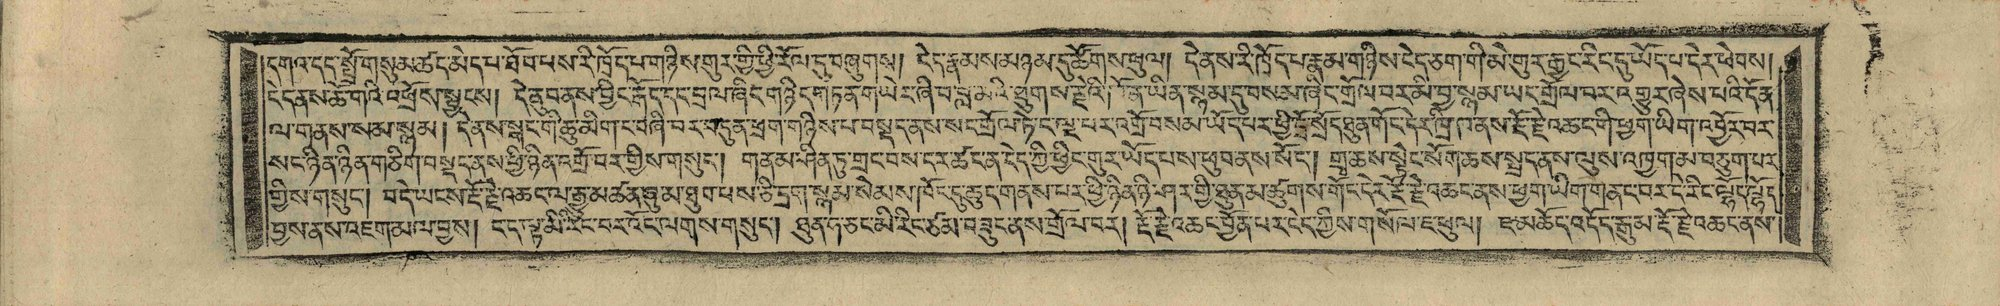དགའ་དད་སྤྲོ་གསུམ་ཚད་མེད་པ་ཐོབ་པས་རི་ཁྲོད་པ་གཉིས་གུར་གྱི་ཕྱི་རོལ་དུ་བཞུགས། ངེད་རྣམས་མཉམ་དུ་ཚོགས་ཕུལ། དེ་ནས་རི་ཁྲོད་པ་རྣམ་གཉིས་ངེད་ཅག་གི་མེ་གུར་རྒྱང་རིང་དུ་ཡོད་པ་དེར་ཕེབས།
ངེད་ནས་ཆོ་གའི་འཕྲོས་སྦྱངས། དེ་ནུབ་ནས་བྱིང་རྒོད་དང་བྲལ་ཞིང་གཉིད་གཏན་གཡེར་ཞི་བ་བླ་མའི་ཐུགས་རྗེའི་ཁོ་ན་ཡིན་སྙམ་དུ་བསམ་ཞིང་གྲོལ་བར་མི་བྱ་སྙམ་ཡང་གྲོལ་བར་འགྱུར་ཞེས་པའི་དོན་
ལ་གནས་སམ་སྙམ། དེ་ནས་སྒང་གི་ཆུ་མིག་ང་བཞི་བར་བདུན་ཕྲག་གཉིས་པ་བསྡད་ནས་སང་གྲོལ་ཏེ་ང་ལྔ་པར་འགྲོ་བསམ་ཡོད་པར་ཕྱི་དྲོ་སྲོད་ཐུན་གོང་དེར་ཁྲི་ཁ་ནས་རྡོ་རྗེ་འཆང་གི་ཕྱག་ཡིག་འབྱོར་བར་
སང་ཉིན་ཉིན་གཅིག་བསྡད་ནས་ཕྱི་ཉིན་འགྲོ་བར་གྱིས་གསུང་། གནམ་ཤིན་ཏུ་གྲང་བས་དར་ཚང་ན་ངེད་ཀྱི་ཕྱིང་གུར་ཡོད་པས་ཕུབ་ནས་སོང་། གྲྭ་ཆས་སྟེང་སོག་ཆས་སྤྱད་ནས་ལུས་འཁྱག་མ་བཅུག་པར་
གྱིས་གསུང་། བདེ་ཡངས་རྡོ་རྗེ་འཆང་ལ་རྒྱུ་མཚན་ཞུ་མ་ཐུབ་པས་ཅི་དྲག་སྙམ་སེམས་ཁོང་དུ་ཚུད་གནས་པར་ཕྱི་ཉིན་ཉི་ཤར་གྱི་ཐུན་མ་ཚུགས་གོང་དེར་རྡོ་རྗེ་འཆང་ནས་ཕྱག་ཡིག་གནང་བར་དེ་རིང་ལྷོད་ལྷོད་
བྱས་ནས་འཇག་མལ་བྱས། ང་ད་ལྟ་མི་རིང་བར་འོང་ལགས་གསུང་། ཐུན་ཧ་ཅང་མི་རིང་ཙམ་བཟུང་ནས་གྲོལ་བར། རྡོ་རྗེ་འཆང་བྱོན་པར་ངེད་ཀྱིས་གསོལ་ཇ་ཕུལ། ཇ་མཆོད་འདོད་རྒུ་མ་རྡོ་རྗེ་འཆང་ནས་